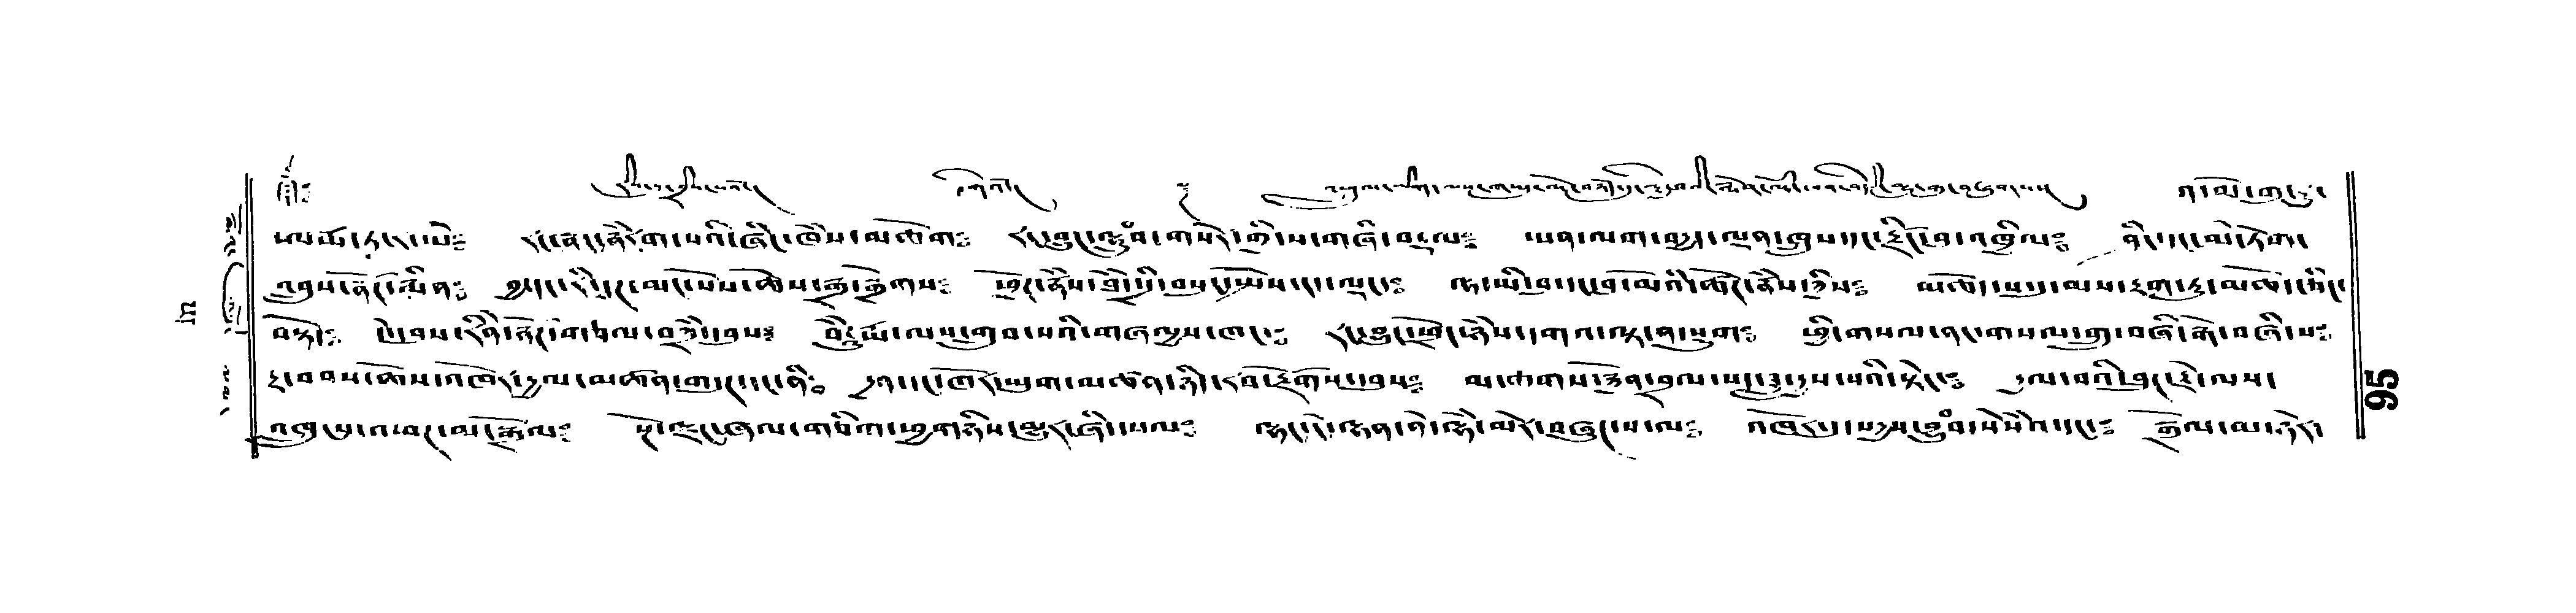རིས་སུ་བྲིས་པའོ།། དགེའོ།། ༈ འཕྲུལ་ཡིག་ལས་གཡུ་ལོ་བཀོད་དུ་སྐྱེ་བའི་སྨོན་ལམ་ཕན་བདེའི་མྱུ་གུ་བཞུགས༔ ན་མོ་གུ་རུ་
ཨཱརྻ་ཏཱ་ར་ཡེ༔ རང་སྣང་རྣམ་པར་དག་པའི་ཞིང་ཁམས་མཆོག༔ རང་བྱུང་ལྷུན་གྲུབ་གསེར་གྱི་ས་གཞི་བརྡལ༔ ཡན་ལག་བརྒྱད་ལྡན་ཁྲུས་དང་རྫིང་བུ་འཁྱིལ༔ ཤིང་དང་མེ་ཏོག་
འབྲས་བུ་སྣ་ཚོགས་སྨིན༔ བྱ་དང་རི་དྭགས་མང་པོས་ཆོས་སྒྲ་སྒྲོག༔ ཕྱོགས་རྣམས་ཐམས་ཅད་དྲི་བསུང་སྤོས་ངད་ལྡང༔ ལྷ་ཡི་བུ་དང་བུ་མོའི་ཚོགས་རྣམས་ཀྱིས༔ མཆོད་པ་དུ་མས་རྟག་ཏུ་མཆོད་ཅིང་
བསྟོད༔ དེ་དབུས་རིན་ཆེན་སྣ་ཚོགས་གཅལ་བཀྲམ་དབུས༔ བཻཌཱུརྻ་ལས་གྲུབ་པའི་གཞལ་ཡས་ཁང༔ རང་བྱུང་ཕོ་བྲང་ཉམས་དགའ་ལྟ་ན་སྡུག༔ ཕྱི་གསལ་ནང་གསལ་གྲུ་བཞི་སྒོ་བཞི་པ༔ 
རྟ་བབས་ཆོས་འཁོར་རྒྱལ་མཚན་གདུགས་དང་ནི༔ རྒྱན་དང་ཁོར་ཡུག་མཚན་ཉིད་རབ་རྫོགས་དབུས༔ མ་ཆགས་སྐྱོན་བྲལ་པད་ཟླ་རྒྱས་པའི་སྟེང༔ རྒྱལ་བའི་ཐུགས་རྗེ་ལས་
འཁྲུངས་འཕགས་མ་སྒྲོལ༔ སྔོ་ལྗང་ཞལ་གཅིག་ཕྱག་གཉིས་མྱུར་ཞི་དཔལ༔ ལྷང་ངེ་ལྷན་ནེ་ལྷམ་མེར་བཞུགས་པ་ལ༔ འཁོར་དུ་སངས་རྒྱས་བྱང་ཆུབ་སེམས་དཔའ་དང༔ སྒྲོལ་མ་ཉེར་